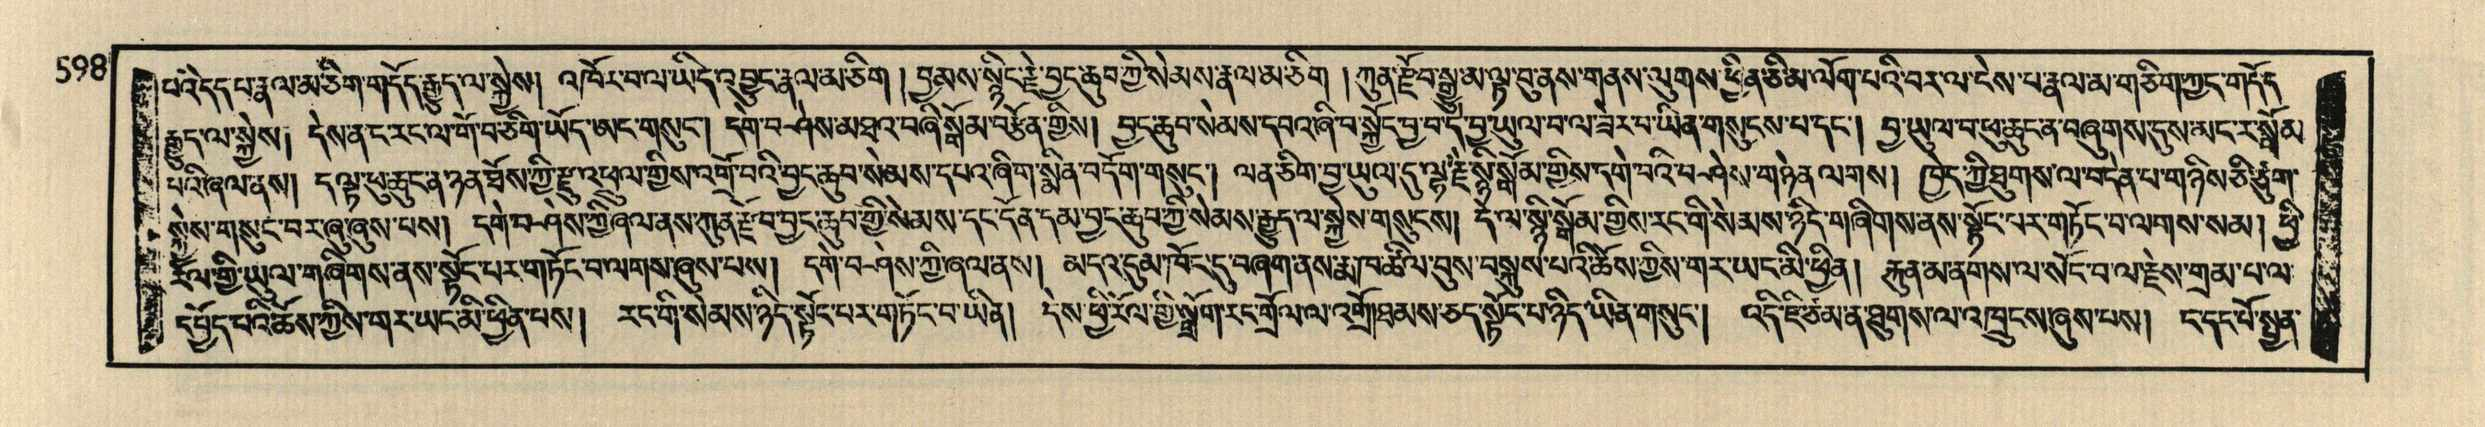པའི་དད་པ་རྣལ་མ་ཅིག་གདོད་རྒྱུད་ལ་སྐྱེས། འཁོར་བ་ལ་ཡིད་འབྱུང་རྣལ་མ་ཅིག །བྱམས་སྙིང་རྗེ་བྱང་ཆུབ་ཀྱི་སེམས་རྣལ་མ་ཅིག །ཀུན་རྫོབ་སྒྱུ་མ་ལྟ་བུ་ནས་གནས་ལུགས་ཕྱིན་ཅི་མ་ལོག་པའི་བར་ལ་ངེས་པ་རྣལ་མ་གཅིག་ཀྱང་གདོད་
རྒྱུད་ལ་སྐྱེས། དེས་ན་ང་རང་ལ་གོ་བ་ཅིག་ཡོད་ཨང་གསུང་། དགེ་བཤེས་མཐའ་བཞི་སྒོམ་བརྩོན་གྱིས། བྱང་ཆུབ་སེམས་དབའ་ཞི་བ་སྐྱོང་བྱ་བ་དེ་བྱ་ཡུལ་བ་ལ་ཟེར་པ་ཡིན་གསུངས་པ་དང་། བྱ་ཡུལ་བ་ཕུ་ཆུང་ན་བཞུགས་དུས་མང་ར་སྒོམ་
པའི་ཞལ་ནས། ད་ལྟ་ཕུ་ཆུང་ན་ཉན་ཐོས་ཀྱི་རྫུ་འཕྲུལ་གྱིས་འགྲོ་བའི་བྱང་ཆུབ་སེམས་དཔའ་ཞིག་སྨིན་བདོག་གསུང་། ལན་ཅིག་བྱ་ཡུལ་དུ་ལྷ་རྗེ་སྙིང་སྒོམ་གྱིས་དགེ་བའི་བཤེས་གཉེན་ལགས། ཁྱེད་ཀྱི་ཐུགས་ལ་བདེན་པ་གཉིས་ཅི་ཙུག་
སྐྱེས་གསུང་བར་ཞུ་ཞུས་པས། དགེ་བཤེས་ཀྱི་ཞལ་ནས་ཀུན་རྫོབ་བྱང་ཆུབ་ཀྱི་སེམས་དང་དོན་དམ་བྱང་ཆུབ་ཀྱི་སེམས་རྒྱུད་ལ་སྐྱེས་གསུངས། དེ་ལ་སྙིང་སྒོམ་གྱིས་རང་གི་སེམས་ཉིད་གཞིགས་ནས་སྟོང་པར་གཏོང་བ་ལགས་སམ། ཕྱི་
རོལ་གྱི་ཡུལ་གཞིགས་ནས་སྟོང་པར་གཏོང་བ་ལགས་ཞུས་པས། དགེ་བཤེས་ཀྱི་ཞལ་ནས། མདའ་དུམ་ཁོང་དུ་བཞག་ནས་རྨ་ཁ་ཚིལ་བུས་བསྐུས་པའི་ཆོས་ཀྱིས་གར་ཡང་མི་ཕྱིན། རྐུན་མ་ནགས་ལ་སོང་བ་ལ་རྗེས་གྲམ་པ་ལ་
དཔྱོད་པའི་ཆོས་ཀྱིས་གར་ཡང་མི་ཕྱིན་པས། རང་གི་སེམས་ཉིད་སྟོང་པར་གཏོང་བ་ཡིན། དེས་ཕྱི་རོལ་གྱི་སྒྲོག་རང་གྲོལ་ལ་འགྲོ། ཐམས་ཅད་སྟོང་པ་ཉིད་ཡིན་གསུང་། འདི་ཇི་ཙམ་ན་ཐུགས་ལ་འཁྲུངས་ཞུས་པས། ང་དང་པོ་སྤྱན་